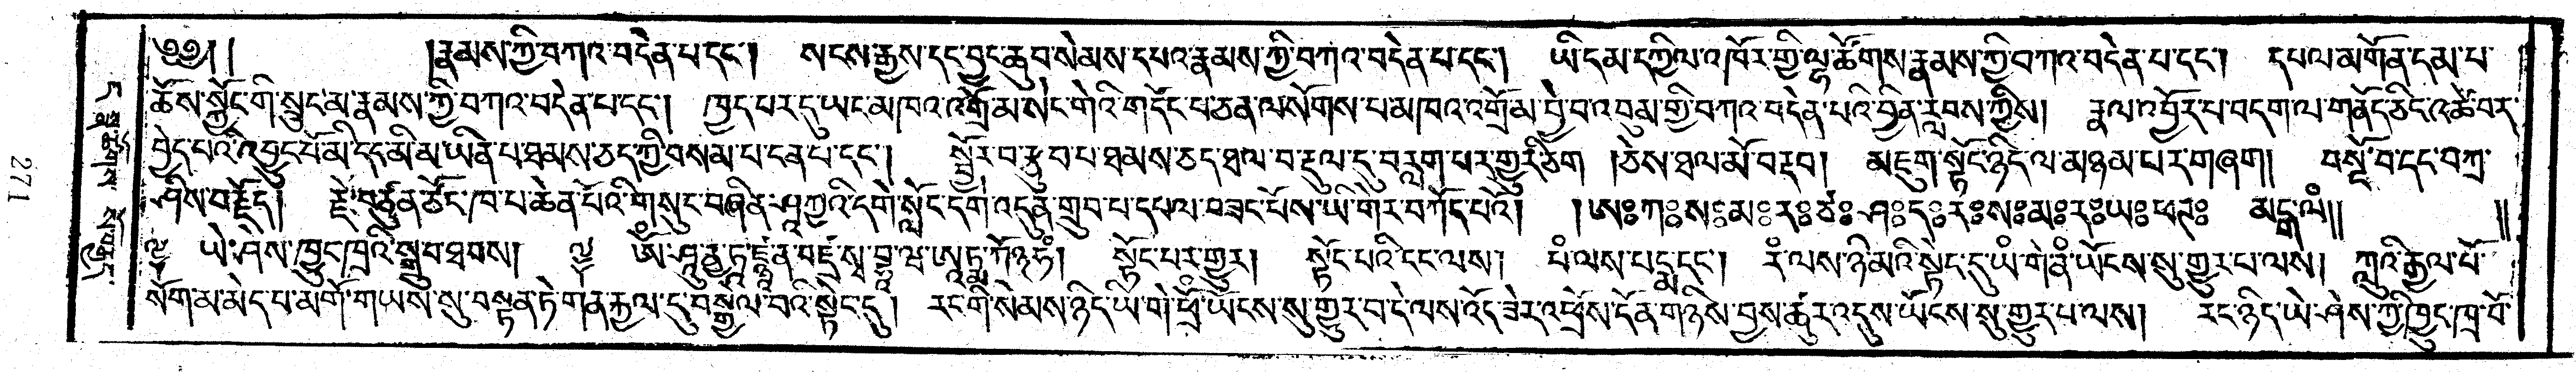༄༅། །རྣམས་ཀྱི་བཀའ་བདེན་པ་དང་། སངས་རྒྱས་དང་བྱང་ཆུབ་སེམས་དཔའ་རྣམས་ཀྱི་བཀའ་བདེན་པ་དང་། ཡི་དམ་དཀྱིལ་འཁོར་གྱི་ལྷ་ཚོགས་རྣམས་ཀྱི་བཀའ་བདེན་པ་དང་། དཔལ་མགོན་དམ་པ་
ཆོས་སྐྱོང་གི་སྲུང་མ་རྣམས་ཀྱི་བཀའ་བདེན་པ་དང་། ཁྱད་པར་དུ་ཡང་མཁའ་འགྲོ་མ་སེང་གེའི་གདོང་པ་ཅན་ལ་སོགས་པ་མཁའ་འགྲོ་མ་བྱེ་བ་འབུམ་གྱི་བཀའ་བདེན་པའི་བྱིན་རླབས་ཀྱིས། རྣལ་འབྱོར་པ་བདག་ལ་གནོད་ཅིང་འཚེ་བར་
བྱེད་པའི་འབྱུང་པོ་མི་དང་མི་མ་ཡིན་པ་ཐམས་ཅད་ཀྱི་བསམ་པ་ངན་པ་དང་། སྦྱོར་བ་རྩུབ་པ་ཐམས་ཅད་ཐལ་བ་རྡུལ་དུ་བརླག་པར་གྱུར་ཅིག །ཅེས་ཐལ་མོ་བརྡབ། མཇུག་སྟོང་ཉིད་ལ་མཉམ་པར་གཞག། བསྔོ་བ་དང་བཀྲ་
ཤིས་བརྗོད། རྗེ་བཙུན་ཙོང་ཁ་པ་ཆེན་པོའི་གསུང་བཞིན་ཤཱཀྱའི་དགེ་སློང་དགེ་འདུན་གྲུབ་པ་དཔལ་བཟང་པོས་ཡི་གེར་བཀོད་པའོ། །ཨཿ ཀཿ སཿ མཿ རཿ ཙཿ ཤཿ དཿ རཿ སཿ མཿ རཿ ཡཿ ཕཊཿ མངྒ་ལཾ།། །།
༈ ཡེ་ཤེས་ཁྱུང་ཁྲའི་སྒྲུབ་ཐབས། ༈ ཨོཾ་ཤཱུ་ནྱ་ཏཱ་ཛྙཱ་ན་བཛྲ་སྭ་བྷཱ་ཝ་ཨཱཏྨ་ཀོཉཧཾ། སྟོང་པར་གྱུར། སྟོང་པའི་ངང་ལས། པཾ་ལས་པདམ་དང་། རཾ་ལས་ཉི་མའི་སྟེང་དུ་ཡཾ་གེ་ནཾ་ཡོངས་སུ་གྱུར་པ་ལས། ཀླུའི་རྒྱལ་པོ་
སོགས་མ་མེད་པ་མགོ་གཡས་སུ་བསྟན་ཏེ་གན་རྐྱལ་དུ་བསྒྱེལ་བའི་སྟེང་དུ། རང་གི་སེམས་ཉིད་ཡི་གེ་ཕྲོཾ་ཡོངས་སུ་གྱུར་བ་དེ་ལས་འོད་ཟེར་འཕྲོས་དོན་གཉིས་བྱས་ཚུར་འདུས་ཡོངས་སུ་གྱུར་པ་ལས། རང་ཉིད་ཡེ་ཤེས་ཀྱི་ཁྱུང་ཁྲ་བོ་